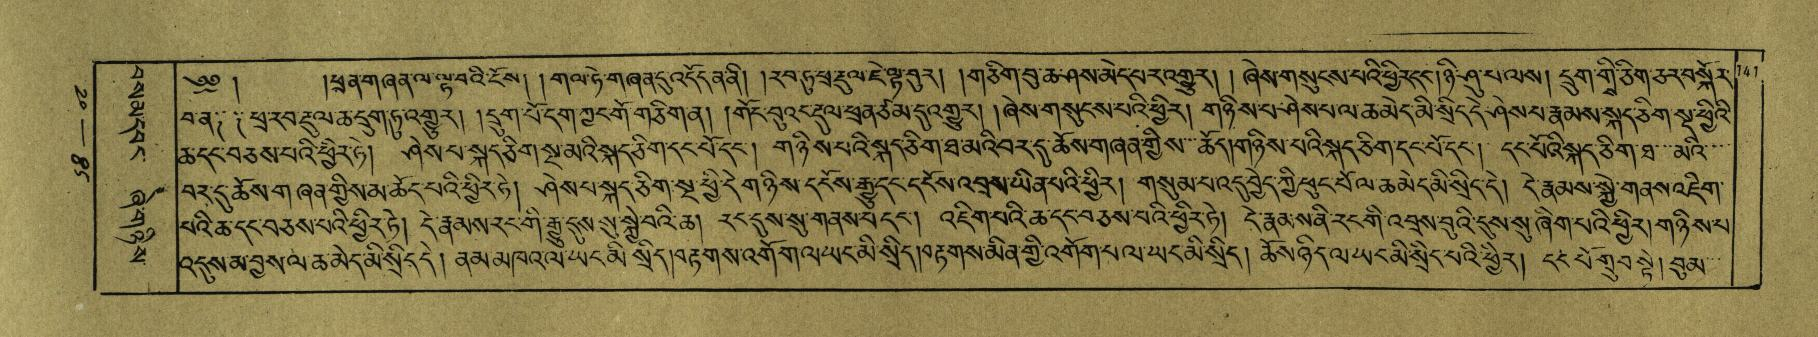༄༅། །ཕྲན་གཞན་ལ་ལྟ་བའི་ངོས། །གལ་ཏེ་གཞན་དུ་འདོད་ན་ནི། །རབ་ཏུ་ཕྲ་རྡུལ་ཇེ་ལྟ་བུར། །གཅིག་བུ་ཆ་ཤས་མེད་པར་འགྱུར། །ཞེས་གསུངས་པའི་ཕྱིར་དང་། ཉི་ཤུ་པ་ལས། དྲུག་གིས་ཅིག་ཅར་བསྐོར་
བ་ན༑ ༑ཕྲ་རབ་རྡུལ་ཆ་དྲུག་ཏུ་འགྱུར། །དྲུག་པོ་དག་ཀྱང་གོ་གཅིག་ན། །གོང་བུའང་རྡུལ་ཕྲན་ཙམ་དུ་འགྱུར། །ཞེས་གསུངས་པའི་ཕྱིར། གཉིས་པ་ཤེས་པ་ལ་ཆ་མེད་མི་སྲིད་དེ་ཤེས་པ་རྣམས་སྐད་ཅིག་སྔ་ཕྱིའི་
ཆ་དང་བཅས་པའི་ཕྱིར་ཏེ། ཤེས་པ་སྐད་ཅིག་སྔ་མའི་སྐད་ཅིག་དང་པོ་དང་། གཉིས་པའི་སྐད་ཅིག་ཐ་མའི་བར་དུ་ཆོས་གཞན་གྱིས་ཆོད། གཉིས་པའི་སྐད་ཅིག་དང་པོ་དང་། དང་པོའི་སྐད་ཅིག་ཐ་མའི་
བར་དུ་ཆོས་གཞན་གྱིས་མ་ཆོད་པའི་ཕྱིར་ཏེ། ཤེས་པ་སྐད་ཅིག་སྔ་ཕྱི་དེ་གཉིས་དངོས་རྒྱུ་དང་དངོས་འབྲས་ཡིན་པའི་ཕྱིར། གསུམ་པ་འདུ་བྱེད་ཀྱི་ཕུང་པོ་ལ་ཆ་མེད་མི་སྲིད་དེ། དེ་རྣམས་སྐྱེ་གནས་འཇིག་
པའི་ཆ་དང་བཅས་པའི་ཕྱིར་ཏེ། དེ་རྣམས་རང་གི་རྒྱུ་དུས་སུ་སྐྱེ་བའི་ཆ། རང་དུས་སུ་གནས་པ་དང་། འཇིག་པའི་ཆ་དང་བཅས་པའི་ཕྱིར་ཏེ། དེ་རྣམས་ནི་རང་གི་འབྲས་བུའི་དུས་སུ་ཞིག་པའི་ཕྱིར། གཉིས་པ་
འདུས་མ་བྱས་ལ་ཆ་མེད་མི་སྲིད་དེ། ནམ་མཁའ་ལ་ཡང་མི་སྲིད། བརྟགས་འགོག་ལ་ཡང་མི་སྲིད། བརྟགས་མིན་གྱི་འགོག་པ་ལ་ཡང་མི་སྲིད། ཆོས་ཉིད་ལ་ཡང་མི་སྲིད་པའི་ཕྱིར། དང་པོ་གྲུབ་སྟེ། བུམ་